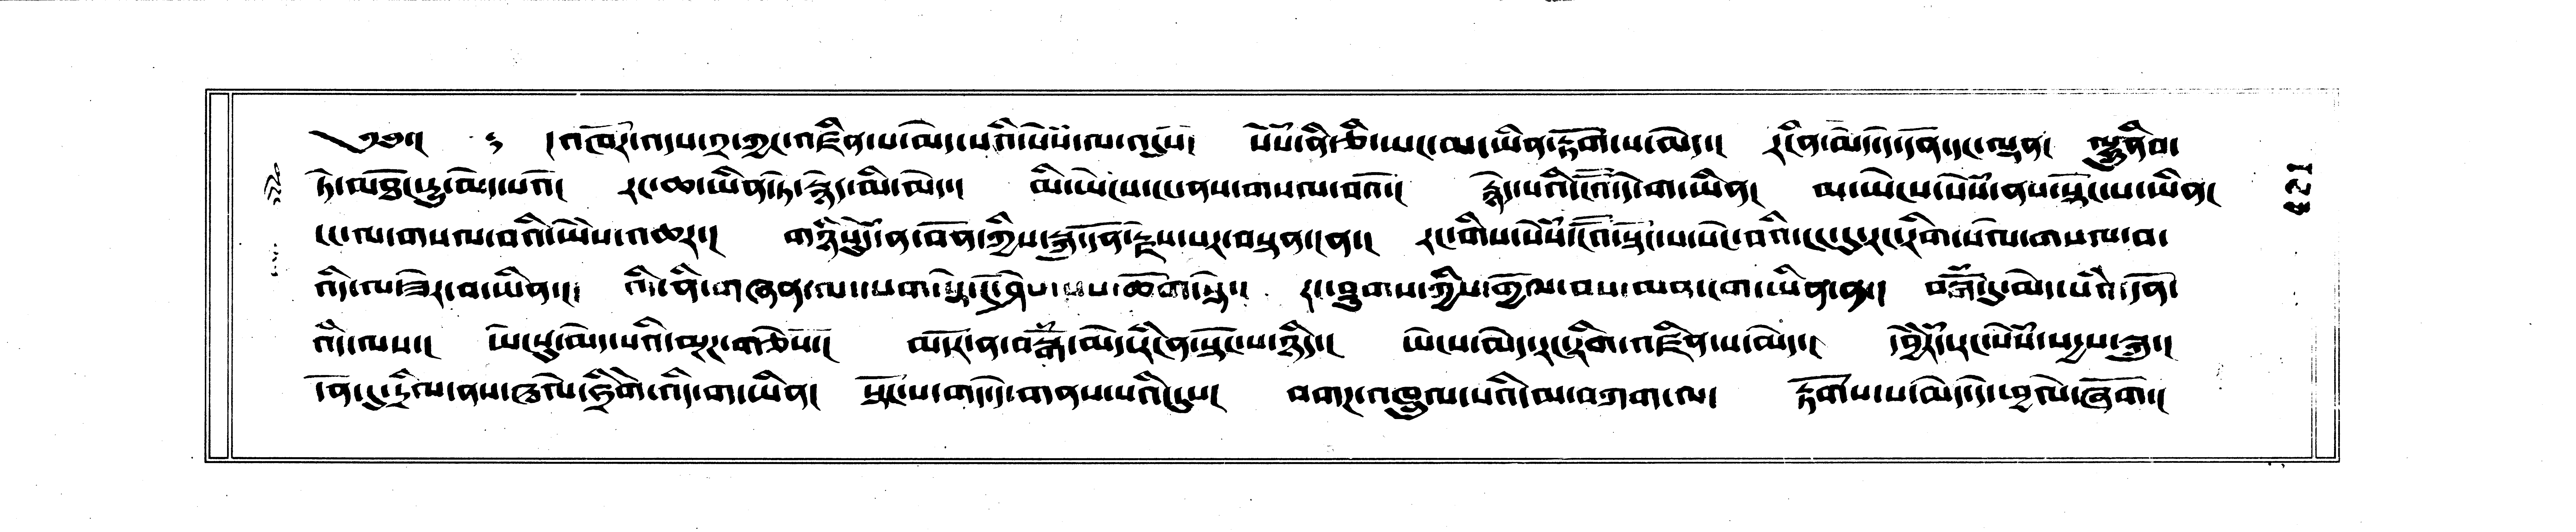འཁོར་འདས་གཉིས་ཀྱང་འཛིན་པ་མེད་པའི་སེམས་ལ་འདུས་སོ། སེམས་ནི་ཅི་ཡང་མ་ཡིན་རྟོག་པ་མེད། རང་བཞིན་མེད་དེ་དོན་དང་ལྡན། ལྷུན་གྱིས་གྲུབ་
སྟེ་མཐོང་རྒྱུ་མེད་པའོ། རང་ཆས་ཡིན་ཏེ་རྙེད་མི་མེད། མ་ཡེངས་ངང་ལ་གསལ་བེན་ན། རྙེད་པའི་ངོའོ་དེ་ཀ་ཡིན། མ་ཡེངས་སེམས་ནི་སྟོང་པ་ཡིན 
ངང་ལ་གསལ་བ་ཡེ་ཤེས་འཆར། གཉིས་སུ་མེད་པ་བོན་སྐུ་ཡིན། དོན་རྗེན་པར་བསྟན་ན་རང་གིས་སེམས་སྟོང་སང་ངེ་བའི་ངང་དུ། རང་རིག་སལེ་གསལ་བ་
འདི་ལ་ཟེར་བ་ཡིན། འདི་ནི་གཞན་ལས་དཔག་མེད་ངོ་ཤེས་པས་ཆོག་སྟེ། རང་ཤུགས་ཀྱི་གྲོལ་བའི་མེན་ངག་ཡིན་ནོ། སྒོམ་དུ་མེད་པའི་དོན་
དེ་ལས་ ཡེངས་སུ་མེད་པའི་མེན་ངག་གཅེས་སོ། མདོར་ན་སྒོམ་མེད་རང་བཞིན་སྟོང་པ་ཉིད། ཡེངས་མེད་རང་རིག་འཛིན་པ་མེད། དབྱེར་མེད་རང་སེམས་སངས་རྒྱས་སྐུ། 
དོན་དུ་དྲིལ་ན་འལ་འལ་ཧྲིག་གེ་འདི་ཀ་ཡིན། སྟོང་པ་ཀད་དེ་གནས་པའི་དུས། བག་ཆགས་འཁྲུལ་པས་མ་བཀབ་ལ། རྟོག་པ་མེད་དེ་ཕྱལ་ལེ་བ།